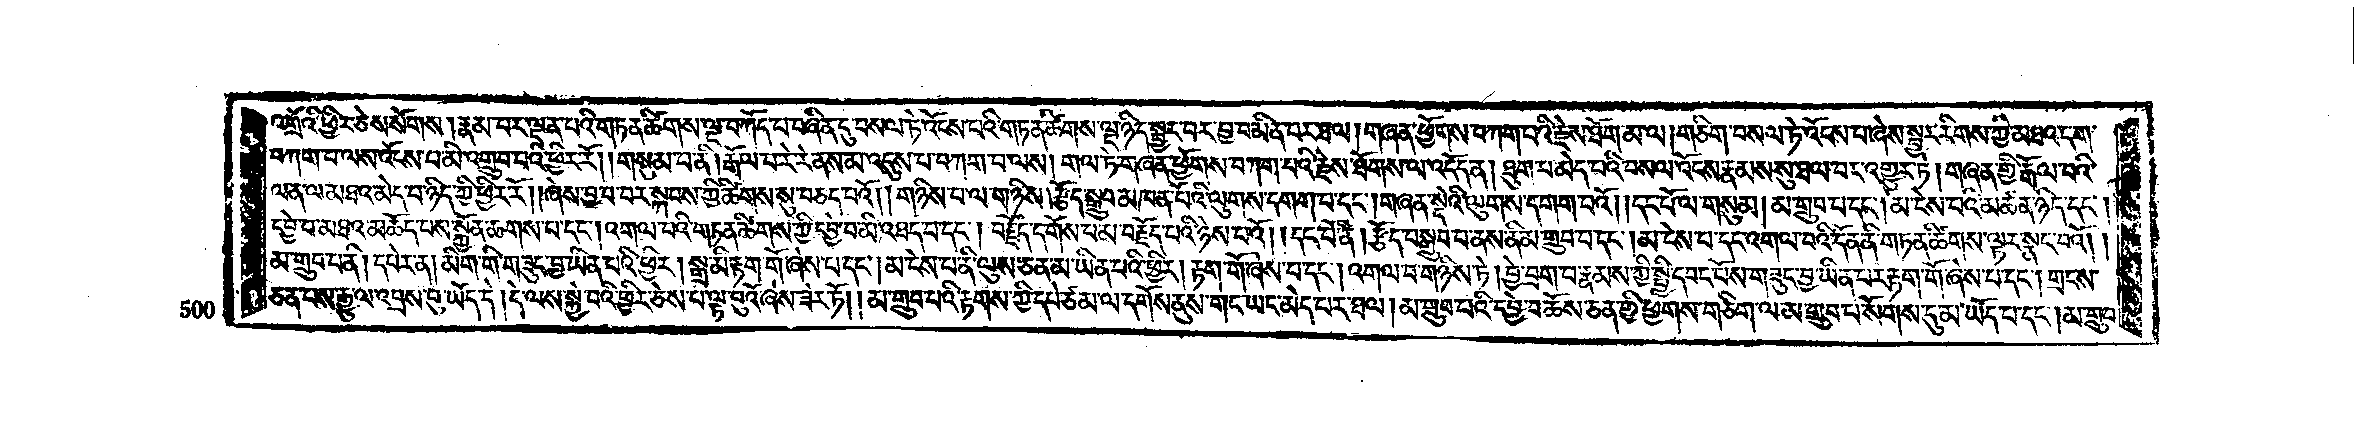འགྲོའི་ཕྱིར་ཅེས་སོགས། རྣམ་པར་ལྡན་པའི་གཏན་ཚིགས་ལྔ་བཀོད་པ་བཞིན་དུ་བསལ་ཏེ་འོངས་པའི་གཏན་ཚིགས་ལྔ་ཉིད་སྦྱར་བར་བྱ་བ་མིན་པར་ཐལ། གཞན་ཕྱོགས་བཀག་པའི་རྗེས་ཐོག་མ་ལ། གཅིག་བསལ་ཏེ་འོངས་པ་ཞེས་སྦྱར་རིགས་ཀྱི་མཐའ་དག་
བཀག་པ་ལས་འོངས་པ་མི་འགྲུབ་པའི་ཕྱིར་རོ། །གསུམ་པ་ནི། རྒོལ་བ་རེ་རེ་ནས་མ་འདུས་པ་བཀག་པ་ལས། གལ་ཏེ་གཞན་ཕྱོགས་བཀག་པའི་རྗེས་ཐོགས་ལ་འདོད་ན། ཐུག་པ་མེད་པའི་བསལ་འོངས་རྣམས་སུ་ཐལ་བར་འགྱུར་ཏེ། གཞན་གྱི་རྒོལ་བའི་
ལན་ལ་མཐའ་མེད་པ་ཉིད་ཀྱི་ཕྱིར་རོ། །ཞེས་བྱ་བར་སྐབས་ཀྱི་ཚིགས་སུ་བཅད་པའོ། །གཉིས་པ་ལ་གཉིས། རྩོད་སྒྲུབ་མཁན་པོའི་ལུགས་དགག་པ་དང་། གཞན་སྡེའི་ལུགས་དགག་པའོ། །དང་པོ་ལ་གསུམ། མ་གྲུབ་པ་དང་། མ་ངེས་པའི་མཚན་ཉིད་དང་།
དབྱེ་བ་མཐའ་མཆོད་པས་སྐྱོན་ཆགས་པ་དང་། འགལ་བའི་གཏན་ཚིགས་ཀྱི་དབྱེ་བ་མི་འཐད་པ་དང་། བརྗོད་དགོས་པ་མ་བརྗོད་པའི་ཉེས་པའོ། །དང་པོ་ནི། རྩོད་བསྒྲུབ་པ་ནས་ནི་མ་གྲུབ་པ་དང་། མ་ངེས་པ་དང་འགལ་བའི་དོན་ནི་གཏན་ཚིགས་ལྟར་སྣང་བའོ། །
མ་གྲུབ་པ་ནི། དཔེར་ན། མིག་གི་གཟུང་བྱ་ཡིན་པའི་ཕྱིར། སྒྲ་མི་རྟག་གོ་ཞེས་པ་དང་། མ་ངེས་པ་ནི་ལུས་ཅན་མ་ཡིན་པའི་ཕྱིར། རྟག་གོ་ཞེས་པ་དང་། འགལ་བ་གཉིས་ཏེ། བྱེ་བྲག་པ་རྣམས་ཀྱི་སྤྱི་དབང་པོས་གཟུང་བྱ་ཡིན་པར་རྟག་གོ་ཞེས་པ་དང་། གྲངས་
ཅན་པས་རྒྱུ་ལ་འབྲས་བུ་ཡོད་དེ། དེ་ལས་སྐྱེ་བའི་ཕྱིར་ཅེས་པ་ལྟ་བུའོ་ཞེས་ཟེར་ཏོ། །མ་གྲུབ་པའི་རྟགས་ཀྱི་དཔེ་ཙམ་ལ་དགོས་ནུས་གང་ཡང་མེད་པར་ཐལ། མ་གྲུབ་པའི་དབྱེ་བ་ཆོས་ཅན་གྱི་ཕྱོགས་གཅིག་ལ་མ་གྲུབ་པ་སོགས་དུ་མ་ཡོད་པ་དང་། མ་གྲུབ་